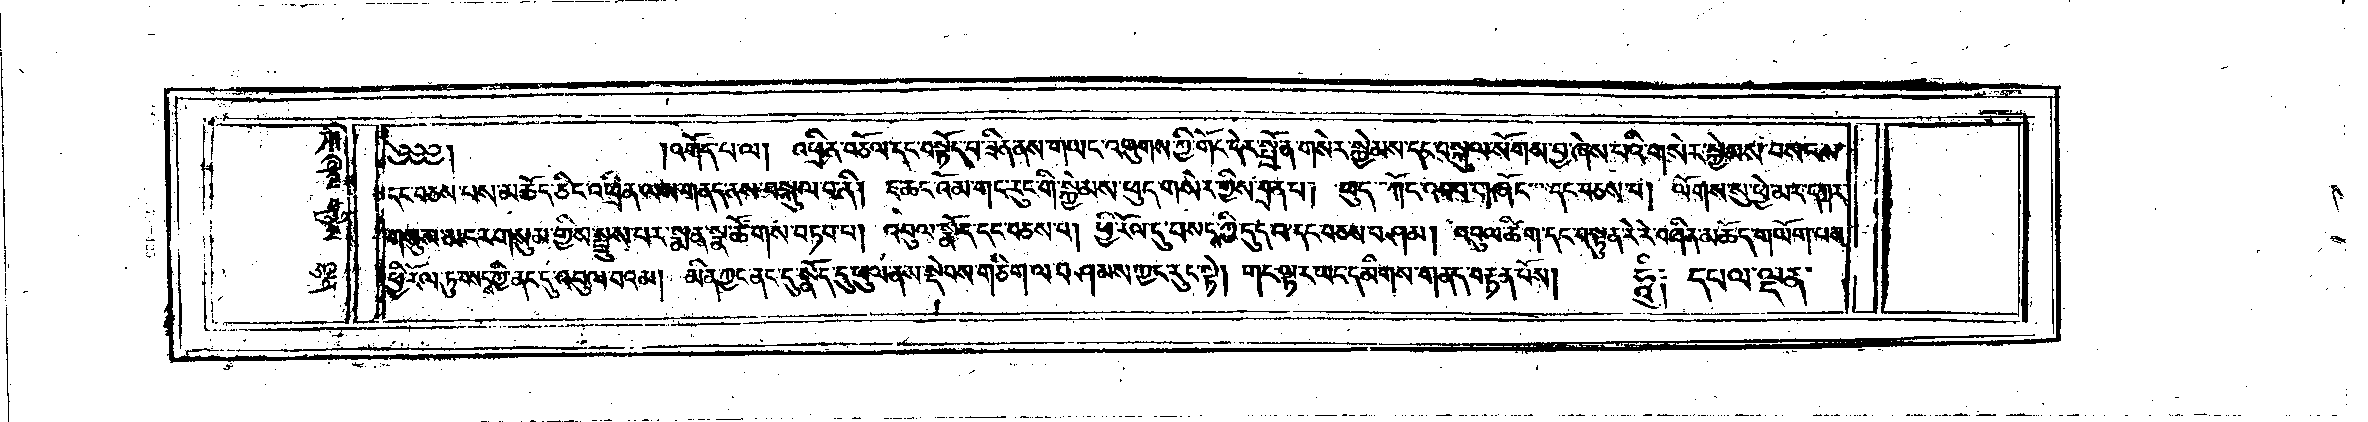༄༅༅། །འགོད་པ་ལ། འཕྲིན་བཅོལ་དང་བསྟོད་པ་ཟིན་ནས་གཡང་འགུགས་ཀྱི་གོང་དེར་སྤྲོ་ན་གསེར་སྐྱེམས་དང་བསྐུལ་སོགས་བྱ་ཞེས་པའི་གསེར་སྐྱེམས་བསངས་
དང་བཅས་པས་མཆོད་ཅིང་འཕྲིན་ལས་གནད་ནས་བསྐུལ་བ་ནི། ཇ་ཆང་འོ་མ་གང་རུང་གི་སྐྱེམས་ཕུད་གསེར་གྱིས་བྲན་པ། ཕུད་ཀོང་འབབ་གཞོང་དང་བཅས་པ། ལོགས་སུ་ཕྱེ་མར་དཀར་
གསུམ་མངར་གསུམ་གྱིས་སྤྲུལ་པར་སྨན་སྣ་ཚོགས་བཏབ་པ། འབུལ་སྣོད་དང་བཅས་པ། ཕྱི་རོལ་དུ་བསངས་ཀྱི་དུད་པ་དང་བཅས་བཤམ། འབུལ་ཚིག་དང་བསྟུན་རེ་རེ་བཞིན་མཆོད་གཡོག་པས་
ཕྱི་རོལ་ཏུ་བསངས་ཀྱི་ནང་དུ་འབུལ་བའམ། མིན་ཀྱང་ནང་དུ་སྣོད་དུ་ཕུལ་ནས་སྡེབས་གཅིག་ལ་བཤམས་ཀྱང་རུང་སྟེ། གང་ལྟར་ཡང་དམིགས་གནད་བརྟན་བོས། ཧཱུཾ༑ དཔལ་ལྡན་